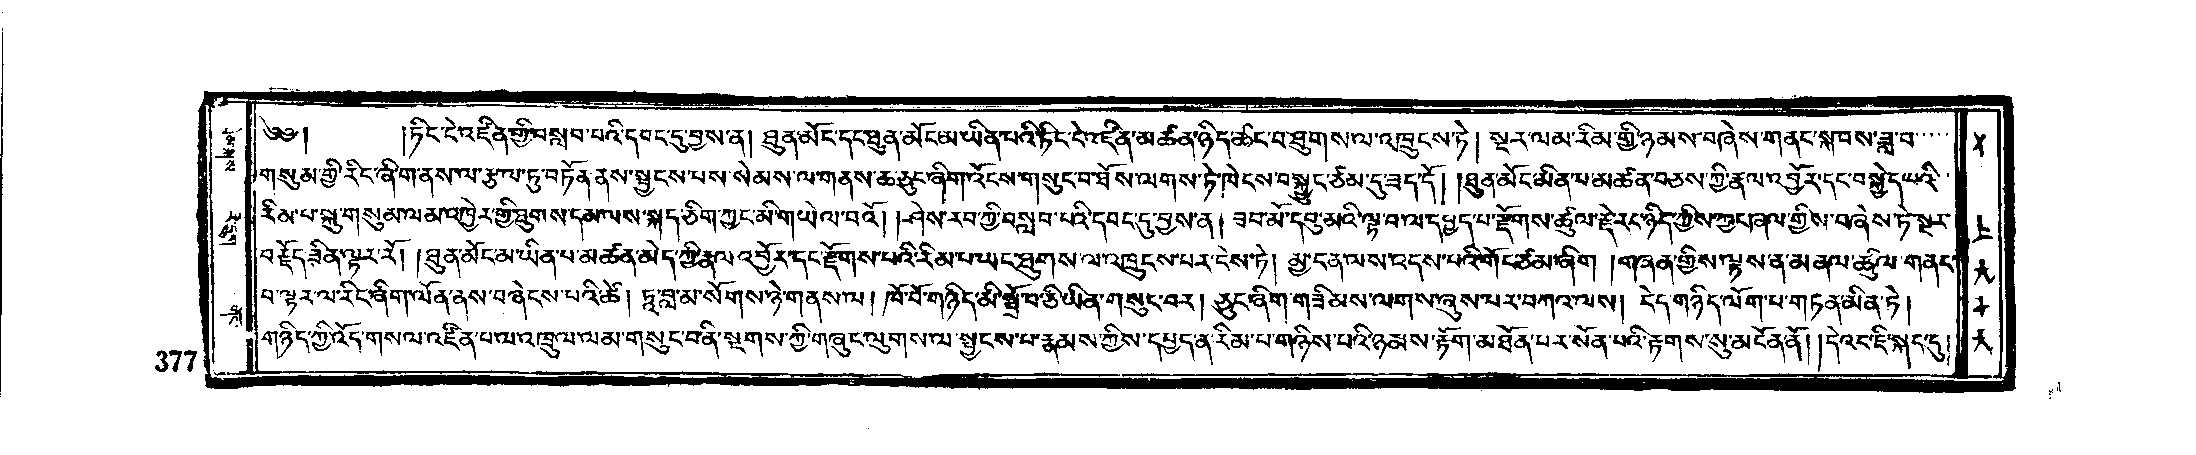༄༅། །ཏིང་ངེ་འཛིན་གྱི་བསླབ་པའི་དབང་དུ་བྱས་ན། ཐུན་མོང་དང་ཐུན་མོང་མ་ཡིན་པའི་ཏིང་ངེ་འཛིན་མཚན་ཉིད་ཚང་བ་ཐུགས་ལ་འཁྲུངས་ཏེ། སྔར་ལམ་རིམ་གྱི་ཉམས་བཞེས་གནང་སྐབས་ཟླ་བ་
གསུམ་གྱི་རིང་ཞི་ག་ནས་ལ་རྩལ་ཏུ་བཏོན་ནས་སྦྱངས་པས་སེམས་ལ་གནས་ཆ་ཅུང་ཞིག་འོངས་གསུང་བ་ཐོས་ལགས་ཏེ་ཁེངས་བསྐྱུང་ཙམ་དུ་ཟད་དོ། །ཐུན་མོང་མིན་པ་མཚན་བཅས་ཀྱི་རྣལ་འབྱོར་དང་བསྐྱེད་པའི་
རིམ་པ་སྐུ་གསུམ་ལམ་འཁྱེར་གྱི་ཐུགས་དམ་ལས་སྐད་ཅིག་ཀྱང་མི་གཡེལ་བའོ། །ཤེས་རབ་ཀྱི་བསླབ་པའི་དབང་དུ་བྱས་ན། ཟབ་མོ་དབུ་མའི་ལྟ་བ་ལ་དཔྱད་པ་རྫོགས་ཚུལ་རྗེ་རང་ཉིད་ཀྱིས་ཀྱང་ཞལ་གྱིས་བཞེས་ཏེ་སྔར་
བརྗོད་ཟིན་ལྟར་རོ། །ཐུན་མོང་མ་ཡིན་པ་མཚན་མེད་ཀྱི་རྣལ་འབྱོར་དང་རྫོགས་པའི་རིམ་པ་ཡང་ཐུགས་ལ་འཁྲུངས་པར་ངེས་ཏེ། མྱ་ངན་ལས་འདས་པའི་གོང་ཙམ་ཞིག །གཞན་གྱིས་ལྟས་ན་མནལ་ཚུལ་གནང་
བ་ལྟར་ལ་རིང་ཞིག་ལོན་ནས་བཞེངས་པའི་ཚེ། ཏཱ་བླ་མ་སོགས་ཉེ་གནས་ལ། ཁོ་བོ་གཉིད་མི་སྤྲོ་བ་ཅི་ཡིན་གསུང་བར། ཅུང་ཞིག་གཟིམས་ལགས་ཞུས་པར་བཀའ་ལས། ངེད་གཉིད་ལོག་པ་གཏན་མིན་ཏེ།
གཉིད་ཀྱི་འོད་གསལ་འཛིན་པ་ལ་འཁྲུལ་ལམ་གསུང་བ་ནི་སྔགས་ཀྱི་གཞུང་ལུགས་ལ་སྤྱངས་པ་རྣམས་ཀྱིས་དཔྱད་ན་རིམ་པ་གཉིས་པའི་ཉམས་རྟོག་མཐོན་པར་སོན་པའི་རྟགས་སུ་མངོན་ནོ། །དེའང་ཇི་སྐད་དུ།